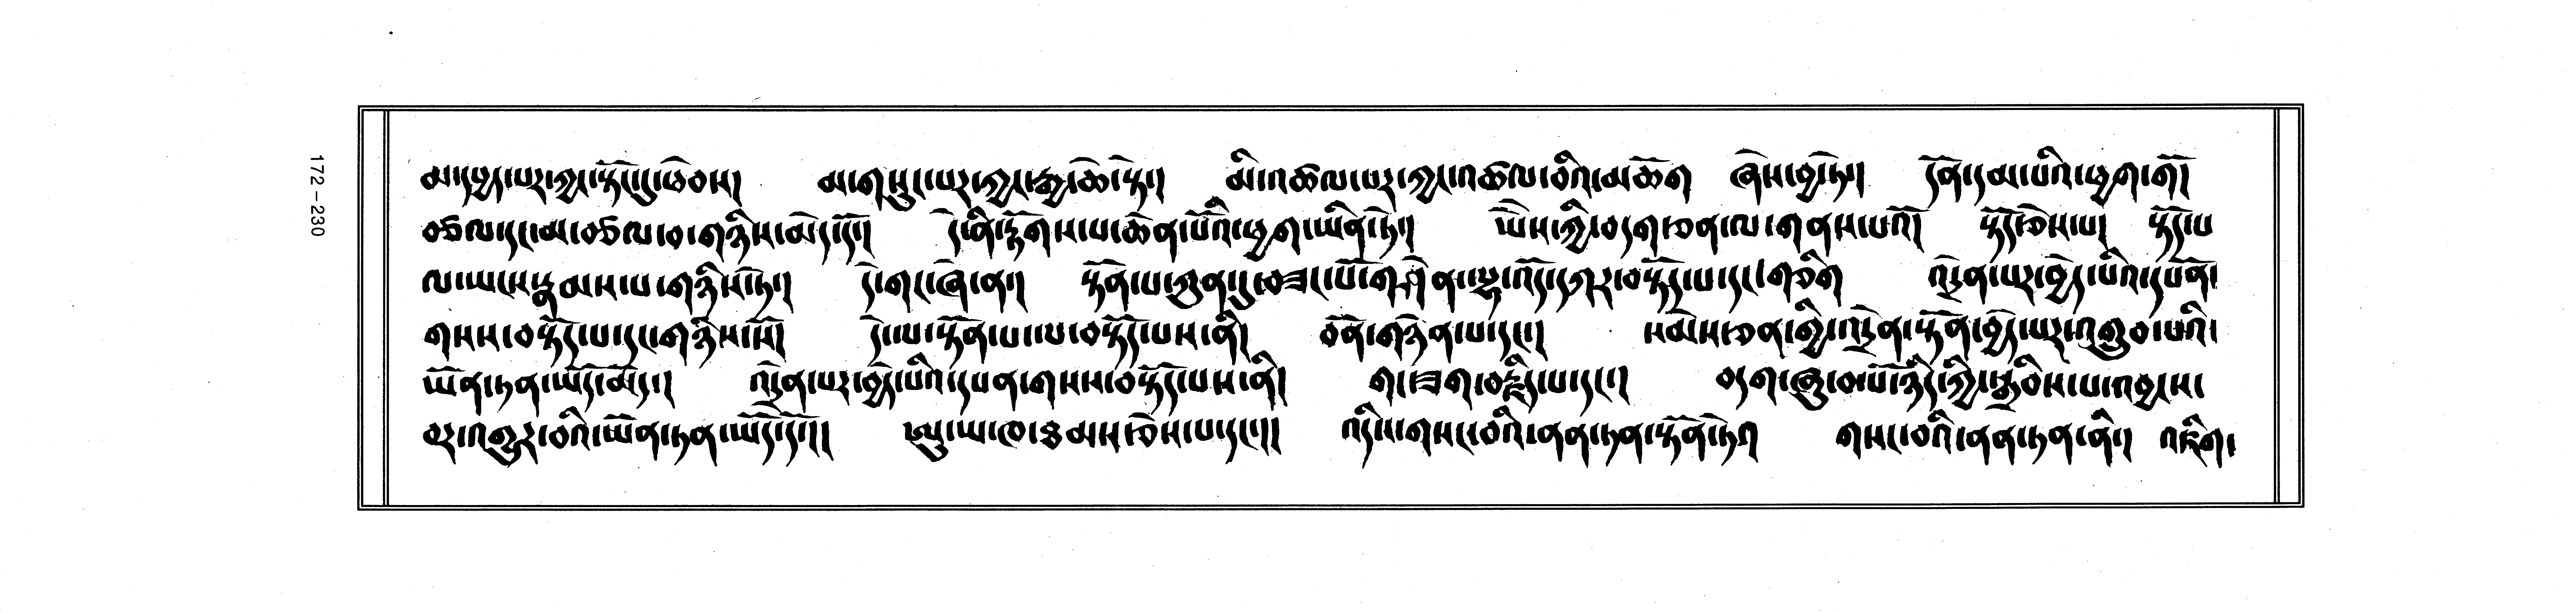མ་དཔྱད་པར་ཀྱང་སྟོང་དུ་ཕེབས། མ་གསུང་པར་ཀྱང་རྒྱ་ཆེ་སྟེ། མི་འཚལ་པར་ཀྱང་འཚལ་བའི་མཆོག་ཞེས་བྱ་ཏེ། དོན་དམ་པའི་ཕྱག་གོ། 
བཙལ་དང་མ་བཙལ་བ་གཉིས་མེད་དོ། དེ་ནི་རྟོགས་པ་ཆེན་པོའི་ཕྱག་ཡིན་ཏེ། ཡེ་ཤེས་ཀྱི་བདག་ཅན་ལ་གནས་པའོ། བསྟོད་ཅེས་པ། བསྟོད་པ་
ལ་ཡང་རྣམ་པ་གཉིས་ཏེ། དེ་གང་ཞེ་ན། སྟོན་པ་ཀུན་ཏུ་བཟང་པོ་གཤེན་ལྷ་འོད་དཀར་བསྟོད་པ་དང་གཅིག འདྲེན་པར་བྱེད་པའི་དཔོན་
གསས་བསྟོད་པ་དང་གཉིས་སོ། དེ་ལ་སྟོན་པ་ལ་བསྟོད་པས་ནི། བོན་གཉེན་པ་དང་། སེམས་ཅན་གྱི་འདྲེན་སྟོན་བྱེད་པར་འགྲུབ་པའི་
ཡོན་ཏན་ཡོད་མོད། འདྲེན་པར་བྱེད་པའི་དཔོན་གསས་བསྟོད་པས་ནི། གང་ཟག་བརྗིད་པ་དང་། བདག་ཞུ་བ་པོ་ཉིད་ཀྱི་སྒྲིབས་པ་འབྱངས་
བར་འགྱུར་བའི་ཡོན་ཏན་ཡོད་དོ། ཨུ་ཡ་ཁ་ཐམས་ཅེས་པ་དང་། འདིས་གསང་བའི་ནན་ཏན་སྟོན་ཏེ། གསང་བའི་ནན་ཏན་ནི། འཇིག་